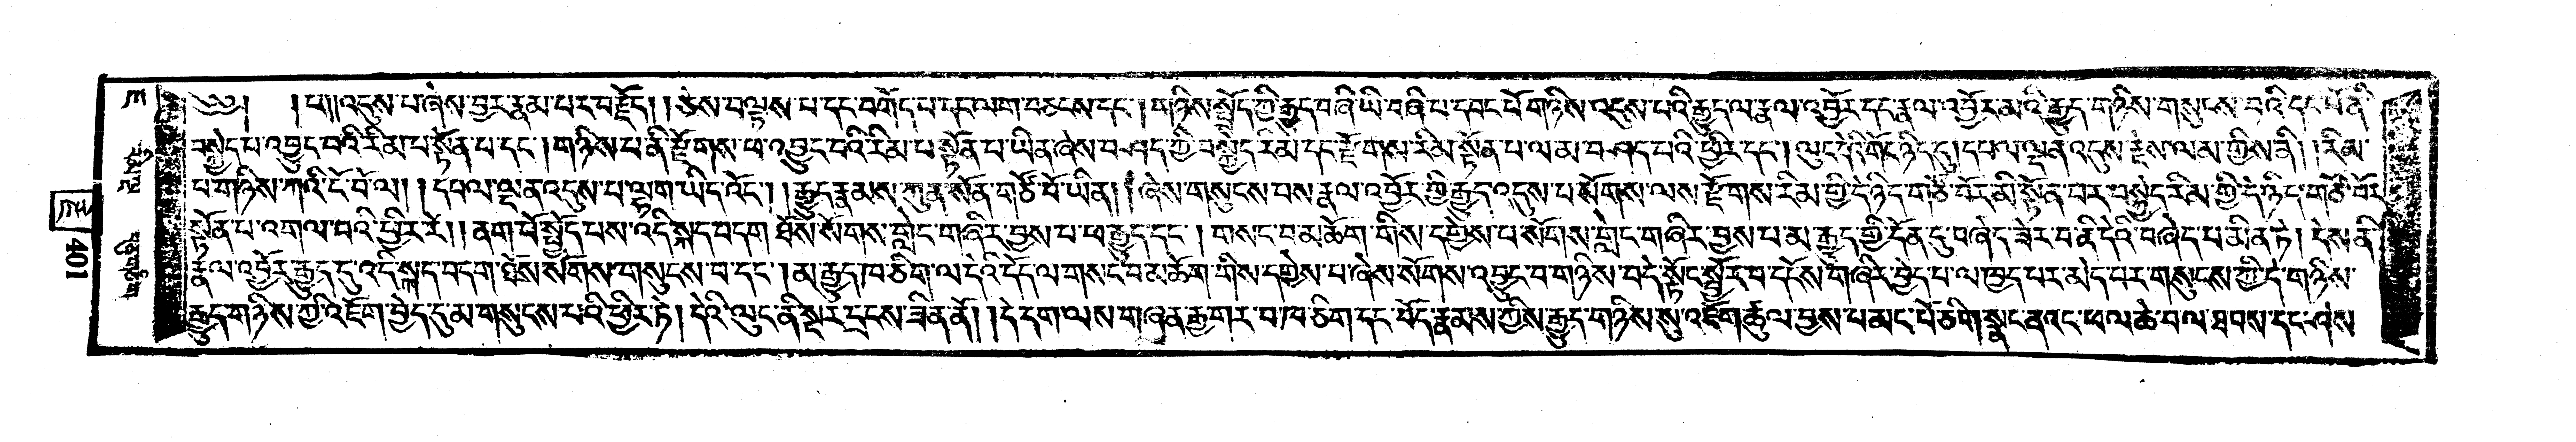༄༅། །པ། །འདུས་པ་ཞེས་བྱར་རྣམ་པར་བརྗོད། །ཅེས་བལྟས་པ་དང་བགོད་པ་དང་ལག་བཅངས་དང་། གཉིས་སྤྲོད་ཀྱི་རྒྱུད་བཞི་ཡི་བཞི་པ་དབང་པོ་གཉིས་འདུས་པའི་རྒྱུད་ལ་རྣལ་འབྱོར་དང་རྣལ་འབྱོར་མའི་རྒྱུད་གཉིས་གསུངས་པའི་དང་པོ་ནི་
བསྐྱེད་པ་འབྱུང་བའི་རིམ་པ་སྟོན་པ་དང་། གཉིས་པ་ནི་རྫོགས་ཕ་འབྱུང་བའི་རིམ་པ་སྟོན་པ་ཡིན་ཞེས་བཤད་ཀྱི་བསྐྱེད་རིམ་དང་རྫོགས་རིམ་སྟོན་པ་ལ་མ་བཤད་པའི་ཕྱིར་དང་། ལུང་དེའི་གོང་ཉིད་དུ། དཔལ་ལྡན་འདུས་རྗེས་ལམ་གྱིས་ནི། །རིམ་
པ་གཉིས་ཀའི་ངོ་བོ་ལ། །དཔལ་ལྡན་འདུས་པ་ལྷག་ཡིད་འོང་། །རྒྱུད་རྣམས་ཀུན་སོན་གཙོ་བོ་ཡིན། །ཞེས་གསུངས་པས་རྣལ་འབྱོར་གྱི་རྒྱུད་འདུས་པ་སོགས་ལས་རྫོགས་རིམ་གྱི་དེ་ཉིད་གཙོ་བོར་མི་སྟོན་པར་བསྐྱེད་རིམ་གྱི་དེ་ཉིད་གཙོ་བོར་
སྟོན་པ་འགལ་བའི་ཕྱིར་རོ། །ནག་པོ་སྤྱོད་པས་འདི་སྐད་བདག་ཐོས་སོགས་གླེང་གཞིར་བྱས་པ་ཕ་རྒྱུད་དང་། གསང་བ་མཆོག་གིས་དགྱེས་པ་སོགས་གླེང་གཞིར་བྱས་པ་མ་རྒྱུད་གྱི་དོན་དུ་བཞེད་ཟེར་བ་ནི་དེའི་བཞེད་པ་མིན་ཏེ། དེས་ནི་
རྣལ་འབྱོར་རྒྱུད་དུ་འདི་སྐད་བདག་ཐོས་སོགས་གསུངས་པ་དང་། མ་རྒྱུད་ཁ་ཅིག་ལ་དེའི་དོད་ལ་གསང་བ་མཆོག་གིས་དགྱེས་པ་ཞེས་སོགས་འབྱུང་བ་གཉིས་བདེ་སྟོང་སྦྱོར་བ་དངོས་གཞིར་བྱེད་པ་ལ་ཁྱད་པར་མེད་པར་གསུངས་ཀྱི་དེ་གཉིས་
རྒྱུད་གཉིས་ཀྱི་འཇོག་བྱེད་དུ་མ་གསུངས་པའི་ཕྱིར་ཏེ། དེའི་ལུང་ནི་སྔར་དྲངས་ཟིན་ནོ། །དེ་དག་ལས་གཞན་རྒྱ་གར་བ་ཁ་ཅིག་དང་བོད་རྣམས་ཀྱིས་རྒྱུད་གཉིས་སུ་འཇོག་ཚུལ་བྱས་པ་མང་པོ་ཅིག་སྣང་ནའང་ཕལ་ཆེ་བ་ལ་ཐབས་དང་ཤེས་